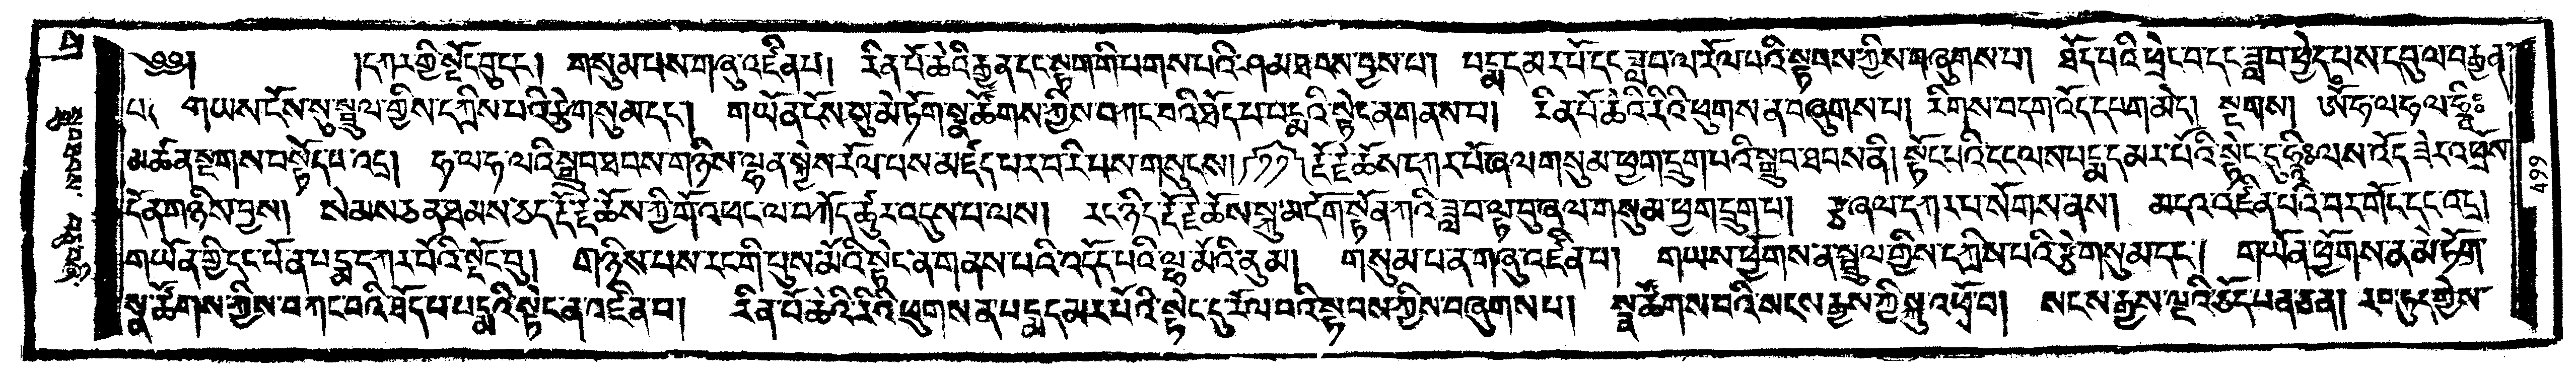༄༅། །དཀར་གྱི་སྡོང་བུ་དང་། གསུམ་པས་གཞུ་འཛིན་པ། རིན་པོ་ཆེའི་རྒྱན་དང་སྟག་གི་པགས་པའི་ཤམ་ཐབས་བྱས་པ། པདམ་དམར་པོ་དང་ཟླ་བ་ལ་རོལ་པའི་སྟབས་ཀྱིས་གཞུགས་པ། ཐོད་པའི་ཕྲེང་བ་དང་ཟླ་བ་ཕྱེད་པས་དབུ་ལ་བརྒྱན་
པ༑ གཡས་ངོས་སུ་སྦྲུལ་གྱིས་དཀྲིས་པའི་རྩེ་གསུམ་དང་། གཡོན་ངོས་སུ་མེ་ཏོག་སྣ་ཚོགས་ཀྱིས་བཀང་བའི་ཐོད་པ་པདམའི་སྟེང་ན་གནས་པ། རིན་པོ་ཆེའི་རིའི་ཕུགས་ན་བཞུགས་པ། རིགས་བདག་འོད་དཔག་མེད། སྔགས། ཨོཾ་ཧ་ལ་ཧ་ལ་ཧྲཱིཿ
མཚན་སྔགས་བསྟོད་པ་འདྲ། ཧ་ལ་ཧ་ལའི་སྒྲུབ་ཐབས་གཉིས་ལྷན་སྐྱེས་རོལ་པས་མཛད་པར་བ་རི་པས་གསུངས། ༡༡?་རྡོ་རྗེ་ཆོས་དཀར་པོ་ཞལ་གསུམ་ཕྱག་དྲུག་པའི་སྒྲུབ་ཐབས་ནི། སྟོང་པའི་ངང་ལས་པདམ་དམར་པོའི་སྟེང་དུ་ཧྲཱིཿལས་འོད་ཟེར་འཕྲོས་
དོན་གཉིས་བྱས། སེམས་ཅན་ཐམས་ཅད་རྡོ་རྗེ་ཆོས་ཀྱི་གོ་འཕང་ལ་བཀོད་ཚུར་འདུས་པ་ལས། རང་ཉིད་རྡོ་རྗེ་ཆོས་སྐུ་མདོག་སྟོན་ཀའི་ཟླ་བ་ལྟ་བུ་ཞལ་གསུམ་ཕྱག་དྲུག་པ། རྩ་ཞལ་དཀར་པ་སོགས་ནས། མདའ་འཛིན་པའི་བར་གོང་དང་འདྲ།
གཡོན་གྱི་དང་པོ་ན་པདམ་དཀར་པོའི་སྡོང་བུ། གཉིས་པས་རང་གི་པུས་མོའི་སྟེང་ན་གནས་པའི་འདོད་པའི་ལྷ་མོའི་ནུམ། གསུམ་པ་ན་གཞུ་འཛིན་བ། གཡས་ཕྱོགས་ན་སྦྲུལ་གྱིས་དཀྲིས་པའི་རྩེ་གསུམ་དང་། གཡོན་ཕྱོགས་ན་མེ་ཏོག་
སྣ་ཚོགས་ཀྱིས་བཀང་བའི་ཐོད་པ་པདམའི་སྟེང་ན་འཛིན་པ། རིན་པོ་ཆེའི་རིའི་ཕུགས་ན་པདམ་དམར་པོའི་སྟེང་དུ་རོལ་བའི་སྟབས་ཀྱིས་བཞུགས་པ། སྣ་ཚོགས་བའི་སངས་རྒྱས་ཀྱི་སྐུ་འཕྲོ་བ། སངས་རྒྱས་ལྔའི་ཅོད་པན་ཅན། རབ་ཏུ་དགྱེས་